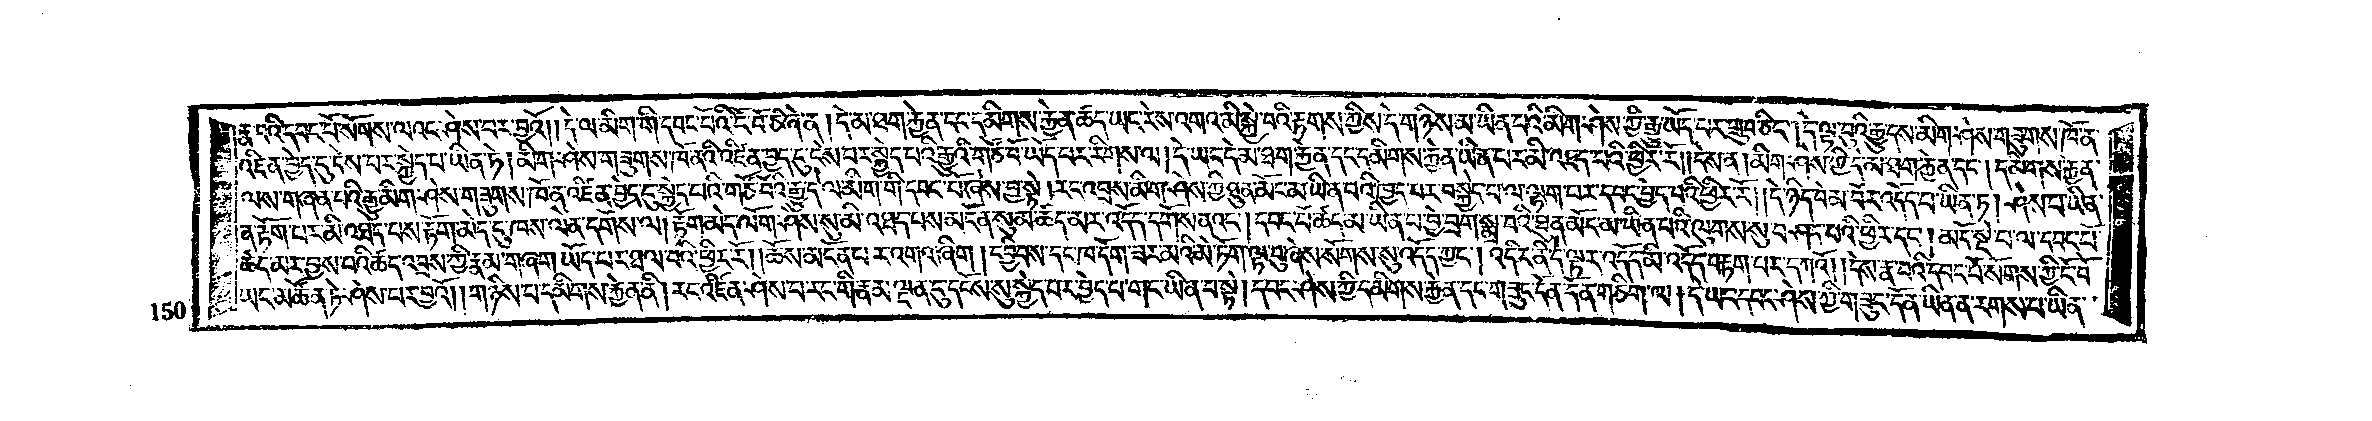རྣ་བའི་དབང་པོ་སོགས་ལ་འང་ཤེས་པར་བྱའོ། །དེ་ལ་མིག་གི་དབང་པོའི་ངོ་བོ་ཅི་ཞེ་ན། དེ་མ་ཐག་རྐྱེན་དང་དམིགས་རྐྱེན་ཚད་ཡང་རེས་འགའ་མི་སྐྱེ་བའི་རྟགས་ཀྱིས་དེ་གཉིས་མ་ཡིན་པའི་མིག་ཤེས་ཀྱི་རྒྱུ་ཡོད་པར་གྲུབ་ཅིང་། དེ་ལྟ་བུའི་རྒྱུ་དེས་མིག་ཤེས་གཟུགས་ཁོ་ན་
འཛིན་བྱེད་དུ་ངེས་པར་སྐྱེད་པ་ཡིན་ཏེ། མིག་ཤེས་གཟུགས་ཁོ་ནའི་འཛིན་བྱེད་དུ་ངེས་པར་སྐྱེད་པའི་རྒྱུའི་གཙོ་བོ་ཡོད་པར་རིགས་ལ། དེ་ཡང་དེ་མ་ཐག་རྐྱེན་དང་དམིགས་རྐྱེན་ཡིན་པར་མི་འཐད་པའི་ཕྱིར་རོ། །དེས་ན། མིག་ཤེས་ཀྱི་དེ་མ་ཐག་རྐྱེན་དང་། དམིགས་རྐྱེན་
ལས་གཞན་པའི་རྒྱུ་མིག་ཤེས་གཟུགས་ཁོ་ན་འཛིན་བྱེད་དུ་སྐྱེད་པའི་གཙོ་བོའི་རྒྱུ་དེ་ལ་མིག་གི་དབང་པོ་ཞེས་བྱ་སྟེ། རང་འབྲས་མིག་ཤེས་ཀྱི་ཐུན་མོང་མ་ཡིན་པའི་ཁྱད་པར་བསྐྱེད་པ་ལ་ལྷག་པར་དབང་བྱེད་པའི་ཕྱིར་རོ། །དེ་ཉིད་བེམ་པོར་འདོད་པ་ཡིན་ཏེ། ཤེས་པ་ཡིན་
ན་རྟོག་པར་མི་འཐད་པས་རྟོག་མེད་དུ་ཁས་ལེན་དགོས་ལ། རྟོག་མེད་ལོག་ཤེས་སུ་མི་འཐད་པས་མངོན་སུམ་ཚད་མར་འདོད་དགོས་ནའང་། དབང་པོ་ཚད་མ་ཡིན་པ་བྱེ་བྲག་སྨྲ་བའི་ཐུན་མོང་མ་ཡིན་པའི་ལུགས་སུ་བཤད་པའི་ཕྱིར་དང་། མདོ་སྡེ་པ་ལ་དབང་པོ་
ཚད་མར་བྱས་པའི་ཚད་འབྲས་ཀྱི་རྣམ་གཞག་ཡོད་པར་ཐལ་བའི་ཕྱིར་རོ། །ཆོས་མངོན་པར་འགའ་ཞིག །དབྱིབས་དང་ཁ་དོག་ཟར་མའི་མེ་ཏོག་ལྟ་བུ་ཞེས་སོགས་སུ་འདོད་ཀྱང་། འདིར་ནི་དེ་ལྟར་འདོད་མི་འདོད་བརྟག་པར་དཀའ། །དེས་རྣ་བའི་དབང་པོ་སོགས་ཀྱི་ངོ་བོ་
ཡང་མཚན་ཏེ་ཤེས་པར་བྱའོ། །གཉིས་པ་དམིགས་རྐྱེན་ནི། རང་འཛིན་ཤེས་པ་རང་གི་རྣམ་ལྡན་དུ་དངོས་སུ་སྐྱེད་པར་བྱེད་པ་གང་ཡིན་པ་སྟེ། དབང་ཤེས་ཀྱི་དམིགས་རྐྱེན་དང་གཟུང་དོན་དོན་གཅིག་ལ། དེ་ཡང་དབང་ཤེས་ཀྱི་གཟུང་དོན་ཡིན་ན་རགས་པ་ཡིན་